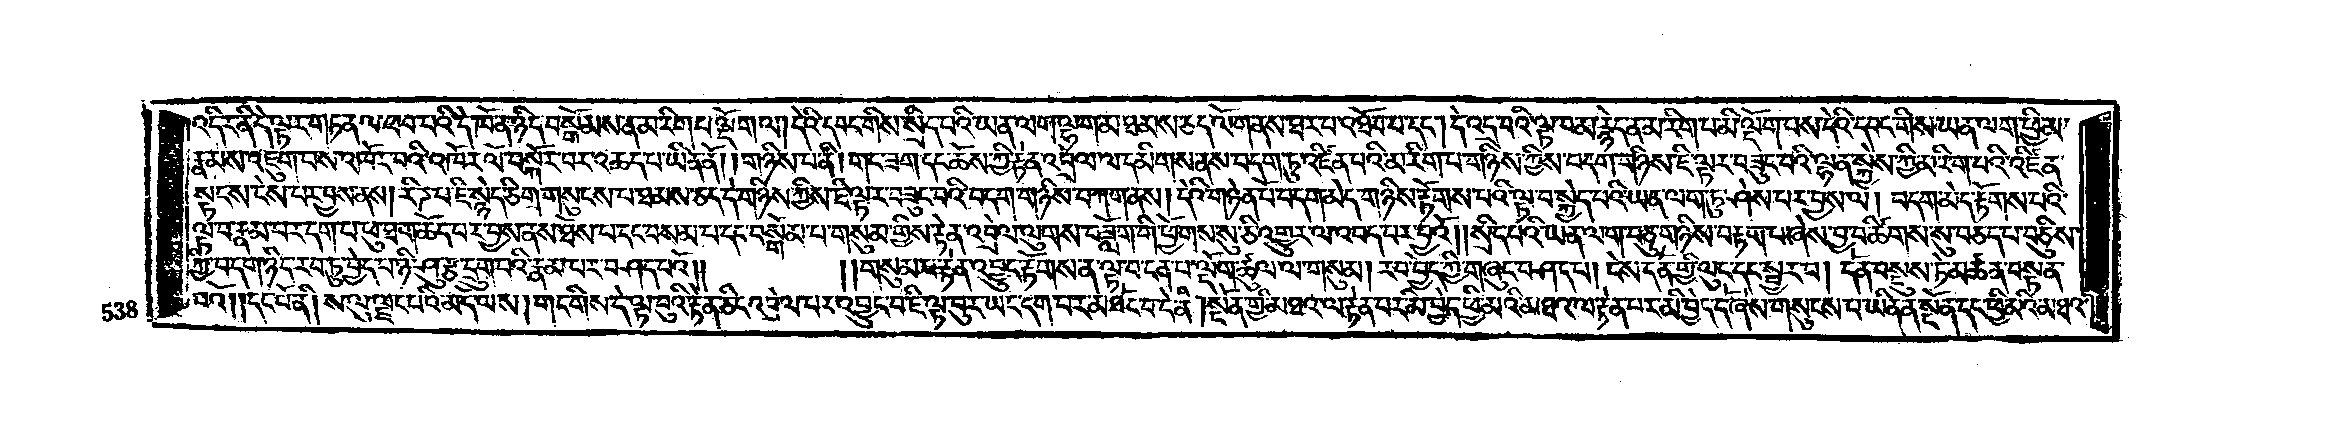འདིར་ནི་དེ་ལྟར་གཏན་ལ་ཕབ་པའི་དེ་ཁོ་ན་ཉིད་བསྒོམས་ན་མ་རིག་པ་ལྡོག་ལ། དེའི་དབང་གིས་སྲིད་པའི་ཡན་ལག་ལྷག་མ་ཐམས་ཅད་ལོག་ནས་ཐར་པ་འཐོབ་པ་དང་། དེ་འདྲ་བའི་ལྟ་བ་མ་རྙེད་ན་མ་རིག་པ་མི་ལྡོག་པས་དེའི་དབང་གིས་ཡན་ལག་ཕྱི་མ་
རྣམས་འཇུག་པས་འཁོར་བའི་འཁོར་ལོ་བསྐོར་བར་འཆད་པ་ཡིན་ནོ། །གཉིས་པ་ནི། གང་ཟག་དང་ཆོས་ཀྱི་རྟེན་འབྲེལ་ལ་དམིགས་ནས་བདག་ཏུ་འཛིན་པའི་མ་རིག་པ་གཉིས་ཀྱིས་བདག་གཉིས་ཇི་ལྟར་བཟུང་བའི་ལྷན་སྐྱེས་ཀྱི་མ་རིག་པའི་འཛིན་
སྟངས་ངེས་པར་བྱས་ནས། རིཌ་པ་ཇི་སྙེད་ཅིག་གསུངས་པ་ཐམས་ཅད་དེ་གཉིས་ཀྱིས་ཇི་ལྟར་བཟུང་པའི་བདག་གཉིས་བ་བཀག་ནས། དེའི་གཉེན་པོ་བདག་མེད་གཉིས་རྟོགས་པའི་ལྟ་བ་སྐྱེད་པའི་ཡན་ལག་ཏུ་ཤེས་པར་བྱས་ལ། བདག་མེད་རྟོགས་པའི་
ལྟ་བ་རྣམ་པར་དག་པ་ཕུ་ཐག་ཆོད་པར་བྱས་ནས་ཐོས་པ་དང་བསམ་པ་དང་བསྒོམ་པ་གསུམ་གྱིས་རྟེན་འབྲེལ་ལུགས་བཟློག་གི་ཕྱོགས་སུ་ཅི་འགྱུར་ལ་འབད་པར་བྱའོ། །སྲིད་པའི་ཡན་ལག་བཅུ་གཉིས་བརྟག་པ་ཞེས་བྱ་བ་ཚིགས་སུ་བཅད་པ་བཅུས་
ཀྱི་བདག་ཉིད་རབ་ཏུ་བྱེད་པ་ཉི་ཤུ་རྩ་དྲུག་པའི་རྣམ་པར་བཤད་པའོ།། །།གསུམ་པ་རྟེན་འབྱུང་རྟོགས་ན་ལྟ་བ་ངན་པ་ལྡོག་ཚུལ་ལ་གསུམ། རབ་བྱེད་ཀྱི་གཞུང་བཤད་པ། དེས་དོན་གྱི་ལུང་དང་སྦྱར་བ། དོན་བསྡུས་ཏེ་མཚན་བསྟན་
བའོ། །དང་པོ་ནི། ས་ལུ་ལྗང་པའི་མདོ་ལས། གང་གིས་དེ་ལྟ་བུའི་རྟེན་ཅིང་འབྲེལ་པར་འབྱུང་བ་ཇི་ལྟ་བུར་ཡང་དག་པར་མཐོང་བ་དེ་ནི། སྔོན་གྱི་མཐའ་ལ་རྟེན་པར་མི་བྱེད་ཕྱི་མའི་མཐའ་ལ་རྟེན་པར་མི་བྱེད་དོ་ཞེས་གསུངས་པ་ཡིན་ན་སྔོན་དང་ཕྱི་མ་མཐའ་